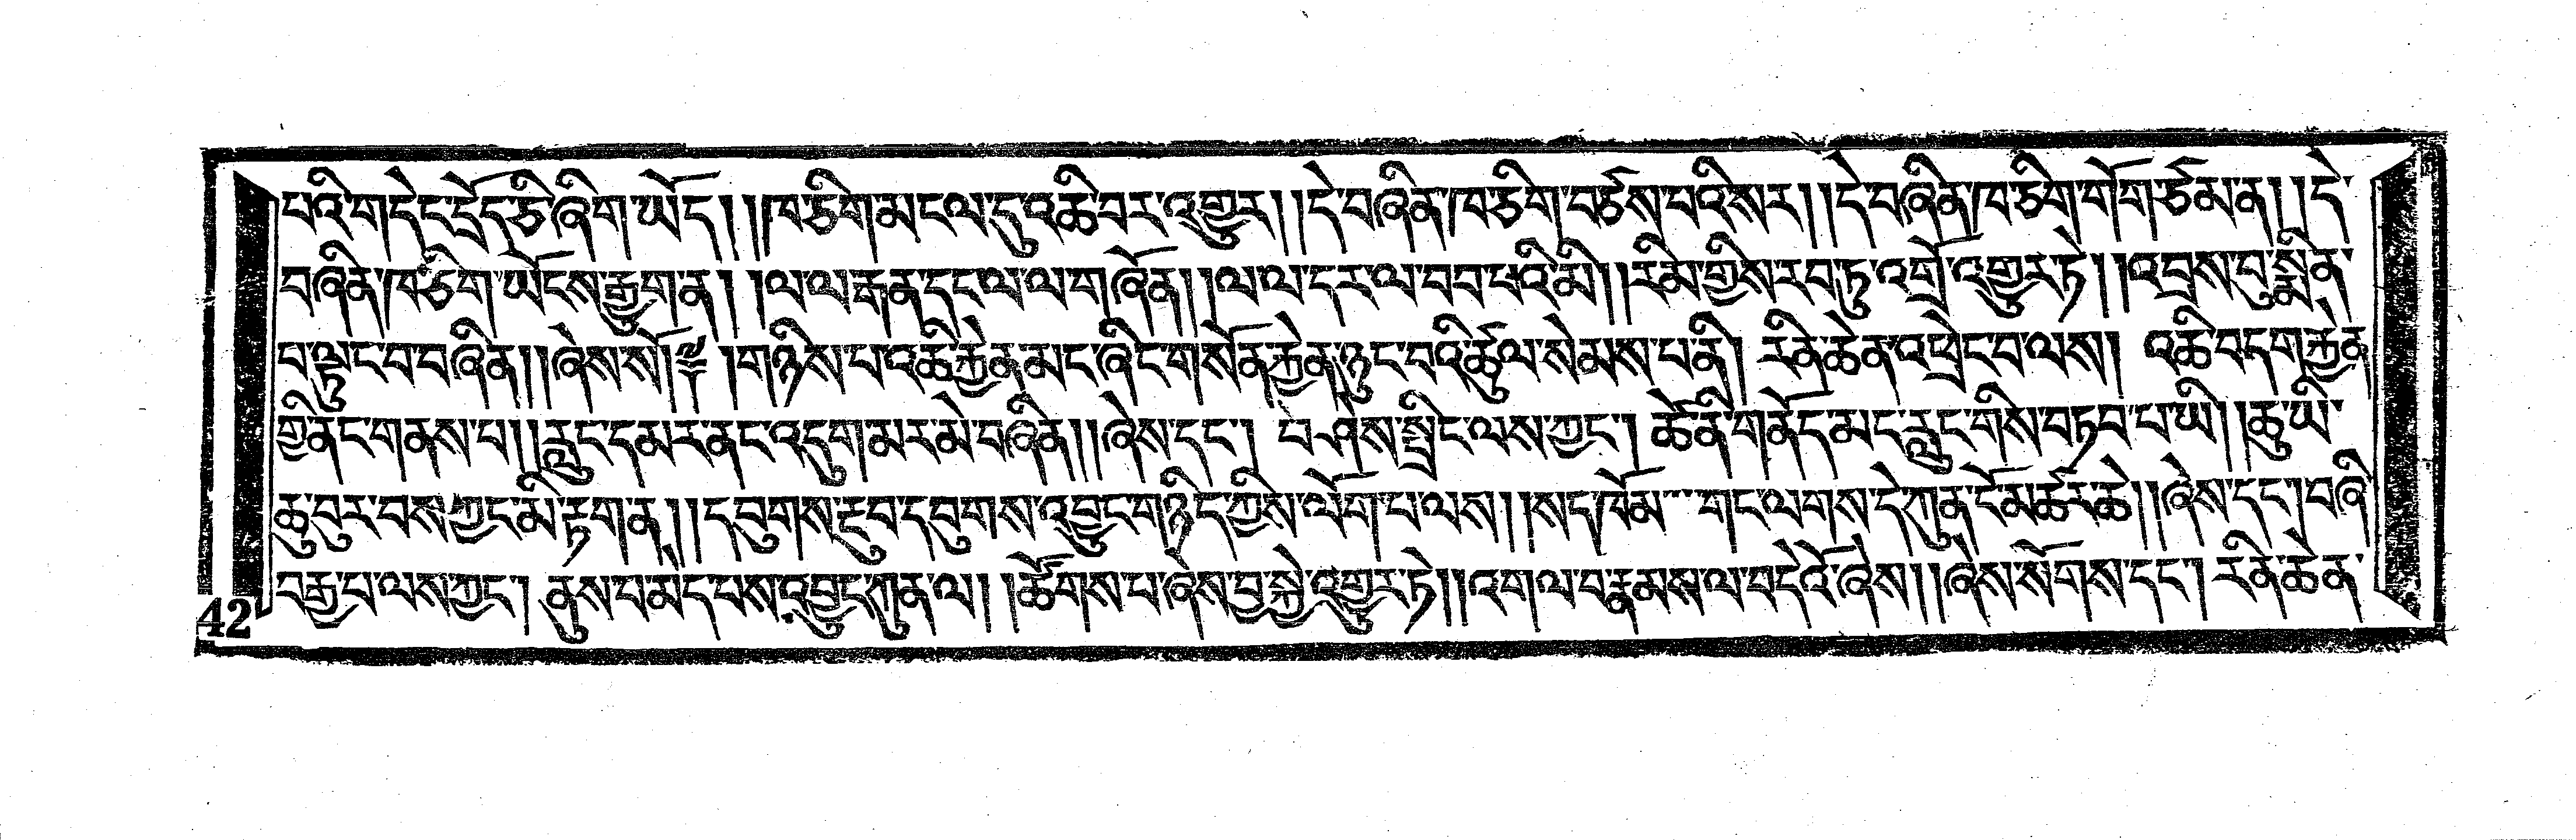པའི་གདེང་དྲོད་ཅི་ཞིག་ཡོད། །ཁ་ཅིག་མངལ་དུ་འཆི་བར་འགྱུར། །དེ་བཞིན་ཁ་ཅིག་བཙས་པའི་སར། །དེ་བཞིན་ཁ་ཅིག་གོག་ཙམ་ན། །དེ་
བཞིན་ཁ་ཅིག་ཡོངས་རྒྱུག་ན། །ལ་ལ་རྒན་དང་ལ་ལ་གཞོན། །ལ་ལ་དར་ལ་བབ་པའི་མི། །རིམ་གྱིས་རབ་ཏུ་འགྲོ་འགྱུར་ཏེ། །འབྲས་བུ་སྨིན་
པ་ལྟུང་བ་བཞིན། །ཞེས་སོ། ༈ །གཉིས་པ་འཆི་རྐྱེན་མང་ཞིང་གསོན་རྐྱེན་ཉུང་བའི་ཚུལ་སེམས་པ་ནི། རིན་ཆེན་འཕྲེང་བ་ལས། འཆི་བདག་རྐྱེན་
གྱི་ནང་གནས་པ། །རླུང་དམར་ནང་འདུག་མར་མེ་བཞིན། །ཞེས་དང་། བཤེས་སྤྲིང་ལས་ཀྱང་། ཚེ་ནི་གནོད་མང་རླུང་གིས་བཏབ་པ་ཡི། །ཆུ་ཡི་
ཆུ་བུར་བས་ཀྱང་མི་རྟག་ན། །དབུགས་རྡུབ་དབུགས་འབྱུང་གཉིད་ཀྱིས་ལོག་པ་ལས། །སད་ཁོམ་གང་ལགས་དེ་ཀུན་ངོ་མཚར་ཆེ། །ཞེས་དང་། བཞི་
བརྒྱ་པ་ལས་ཀྱང་། ནུས་པ་མེད་པས་འབྱུང་ཀུན་ལ། །ཚོགས་པ་ཞེས་བྱ་སྐྱེ་འགྱུར་ཏེ། །འགལ་བ་རྣམས་ལ་བདེའོ་ཞེས། །ཞེས་སོགས་དང་། རིན་ཆེན་